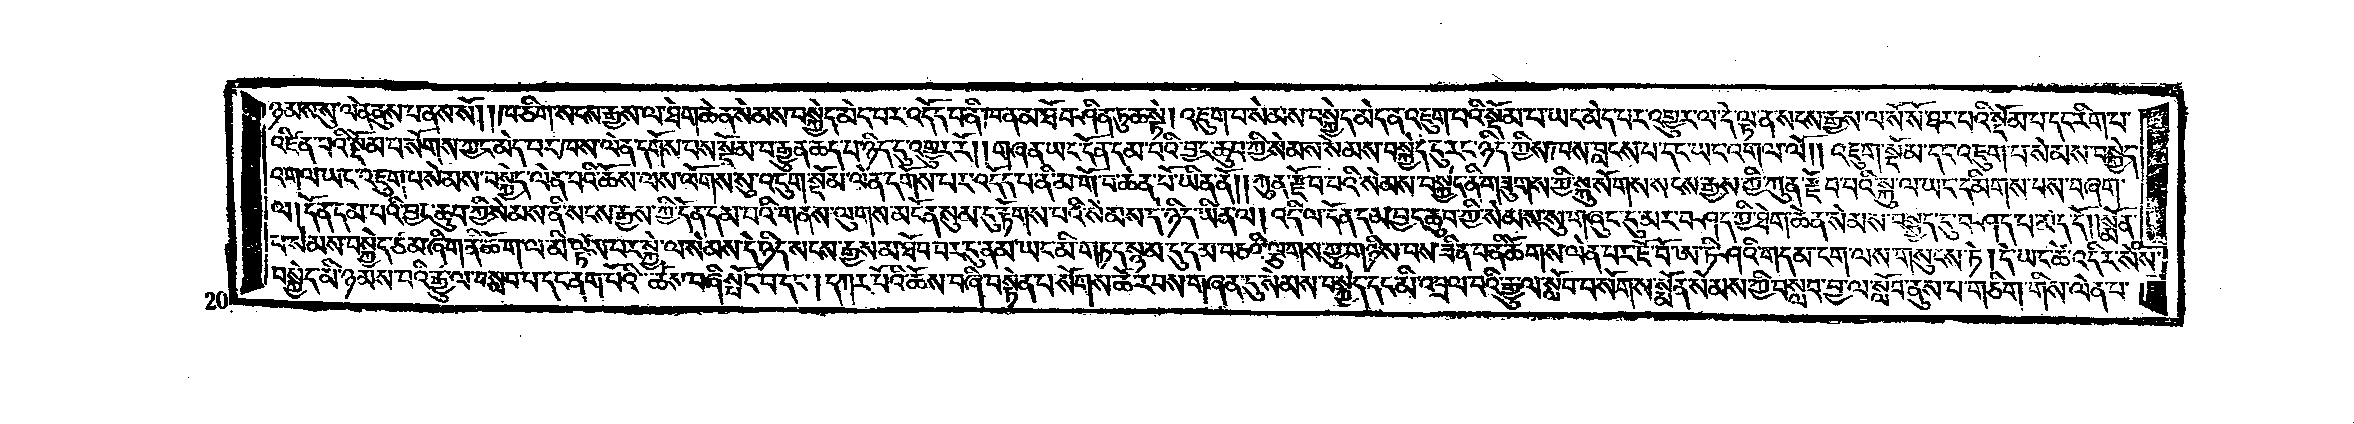ཉམས་སུ་ལེན་ནུས་པ་ནས་སོ། །ཁ་ཅིག་སངས་རྒྱས་ལ་ཐེག་ཆེན་སེམས་བསྐྱེད་མེད་པར་འདོད་པ་ནི་ཁ་ན་མ་ཐོབ་ཤིན་ཏུ་ཆ་སྟེ། འཇུག་པ་སེམས་བསྐྱེད་མེད་ན་འཇུག་པའི་སྡོམ་པ་ཡང་མེད་པར་འགྱུར་ལ་དེ་ལྟ་ན་སངས་རྒྱས་ལ་སོ་སོ་ཐར་པའི་སྡོམ་པ་དང་རིག་པ་
འཛིན་པའི་སྡོམ་པ་སོགས་ཀྱང་མེད་པར་ཁས་ལེན་དགོས་པས་སྡོམ་པ་རྒྱུན་ཆད་པ་ཉིད་དུ་འགྱུར་རོ། །གཞན་ཡང་དོན་དམ་པའི་བྱང་ཆུབ་ཀྱི་སེམས་སེམས་བསྐྱེད་དུ་རང་ཉིད་ཀྱིས་ཁས་བླངས་པ་དང་ཡང་འགལ་ལོ། །འཇུག་སྡོམ་དང་འཇུག་པ་སེམས་བསྐྱེད་
འགལ་ཡང་འཇུག་པ་སེམས་བསྐྱེད་ལེན་པའི་ཆོས་ལས་ལོགས་སུ་འདུག་སྡོམ་ལེན་དགོས་པར་འདོད་པ་ནི་མ་གོ་བ་ཆེན་པོ་ཡིན་ནོ། །ཀུན་རྫོབ་པའི་སེམས་བསྐྱེད་ནི་གཟུགས་ཀྱི་སྐུ་སོགས་སངས་རྒྱས་ཀྱི་ཀུན་རྫོབ་པའི་སྐུ་ལ་ཡང་དམིགས་པས་བཞག་
ལ༑ དོན་དམ་པའི་བྱང་ཆུབ་ཀྱི་སེམས་ནི་སངས་རྒྱས་ཀྱི་དོན་དམ་པའི་གནས་ལུགས་མངོན་སུམ་དུ་རྟོགས་པའི་སེམས་དེ་ཉིད་ཡིན་ལ། འདི་ལ་དོན་དམ་བྱང་ཆུབ་ཀྱི་སེམས་སུ་གཞུང་དུ་མར་བཤད་ཀྱི་ཐེག་ཆེན་སེམས་བསྐྱེད་དུ་བཤད་པ་མེད་དོ། །སྨོན་
པ་སེམས་བསྐྱེད་ཙམ་ཞིག་ནི་ཆོག་ལ་མི་ལྟོས་པར་སྐྱེ་ལ་སེམས་དེ་ཉིད་སངས་རྒྱས་མ་ཐོབ་པར་དུ་ནམ་ཡང་མི་གཏད་སྙམ་དུ་དམ་བཅའི་ལྕགས་ཀྱུ་གཉིས་པས་ཟིན་པ་ནི་ཚོགས་ལེན་པར་ཇོ་བོ་ཨ་ཏི་ཤའི་གདམ་ངག་ལས་གསུངས་ཏེ། དེ་ཡང་ཚེ་འདིར་སེམས་
བསྐྱེད་མི་ཉམས་པའི་རྒྱུ་ལ་བསླབ་པ་དང་ནག་པོའི་ཆོས་བཞི་སྤོང་བ་དང་། དཀར་པོའི་ཆོས་བཞི་བསྟེན་པ་སོགས་ཚེ་རབས་གཞན་དུ་སེམས་བསྐྱེད་དང་མི་འབྲལ་བའི་རྒྱུ་ལ་སློབ་པ་སོགས་སྨོན་སེམས་ཀྱི་བསླབ་བྱ་ལ་སློབ་ནུས་པ་གཅིག་གིས་ལེན་པ་